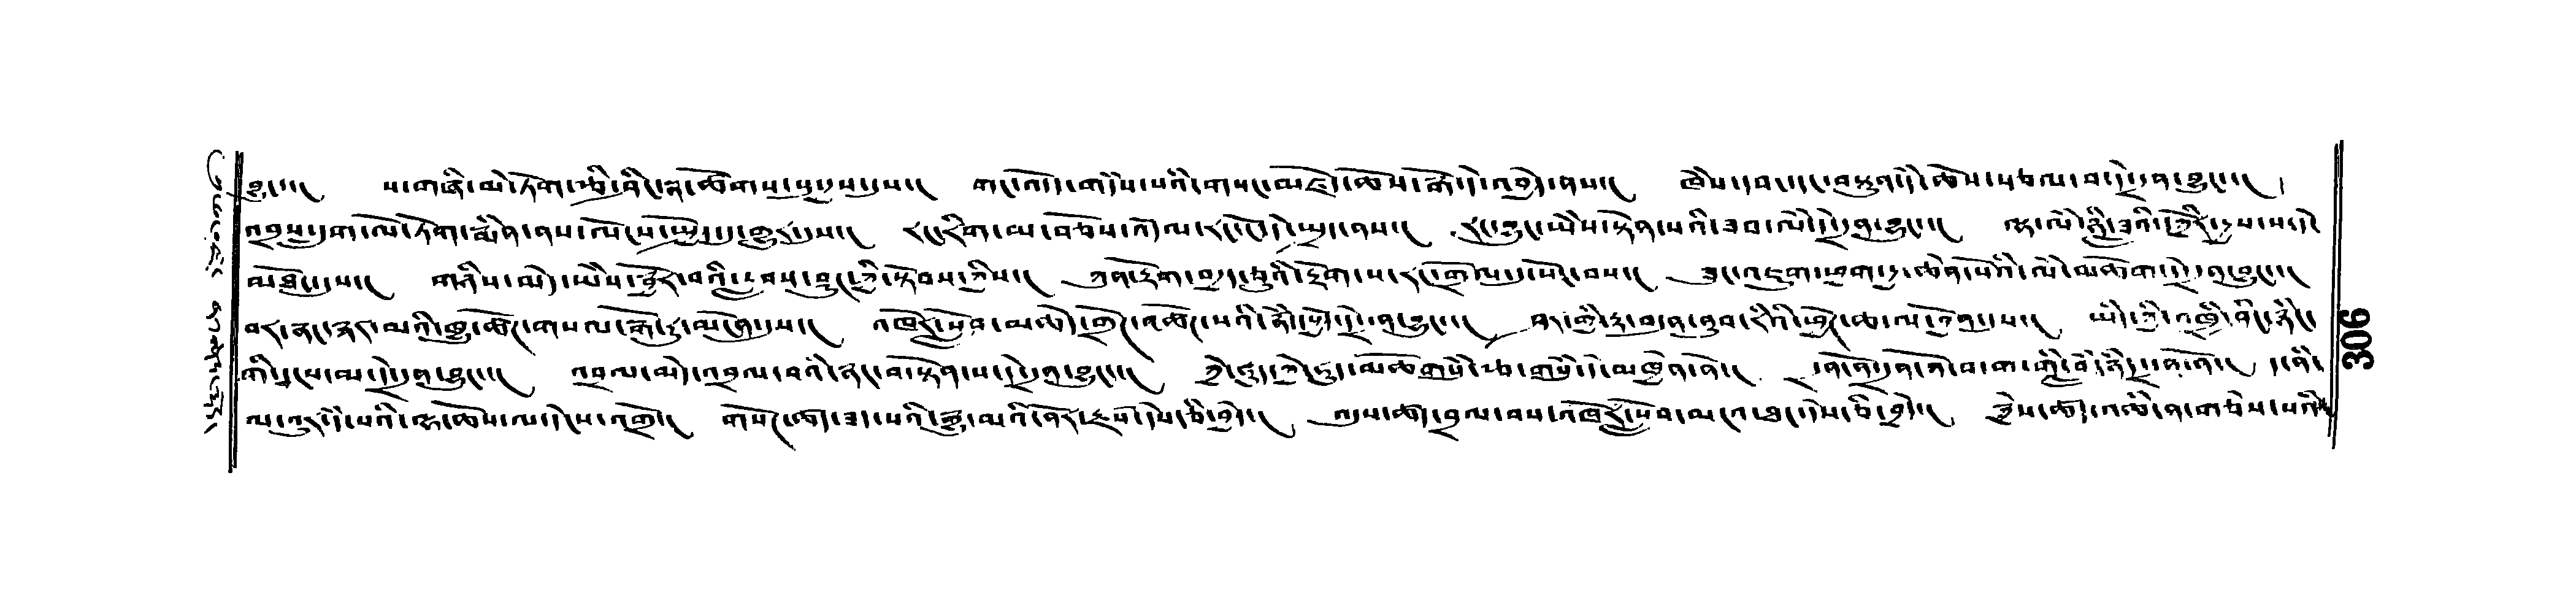བྱུང་། ས་གཞི་མེ་ཏོག་རྩི་ཤིང་སྣ་ཚོགས་སུ་རྒྱས་དུས། གང་འདོད་གདམས་པའི་གསང་མཛོད་ཆོས་སྒོ་དེ་འབྱེད་ནས། ཁམས་དབང་དང་བསྟུན་དམ་ཆོས་སྩལ་བ་དེ་དྲན་བྱུང་། 
འབྲས་དྲུག་ལོ་ཏོག་སྨིན་ནས་ལོངས་སྤྱོད་དུ་གྱུར་དུས། རང་རིག་མ་བཅོས་འོད་གསལ་རང་ངོ་དེ་སྤྲད་ནས། རང་བྱུང་ཡེ་ཤེས་སྟོན་པའི་ཟབ་ལམ་དེ་དྲན་བྱུང་། ལྷ་ལམ་ཉི་ཟླའི་དཀྱིལ་འཁོར་རྒྱས་པ་དེ་
མཐོང་དུས། གཉིས་མེད་ཡེ་ཤེས་སྦྱོར་བའི་རླབས་ཤུགས་ཀྱི་སྟོབས་ཀྱིས། ཀུན་རྟོག་བརྒྱད་ཅུའི་རྟོག་པ་རང་གྲོལ་དུ་སོང་བས། ཟུང་འཇུག་ཕྱག་རྒྱ་ཆེན་པོའི་ལམ་མཆོག་དེ་དྲན་བྱུང་། 
བར་སྣང་སྐར་མའི་ཁྱུ་ཚོགས་གསལ་སྒོ་རུ་མངོན་དུས། འཁོར་སློབ་མཆེད་གྲོགས་འཚོགས་པའི་རྣམ་དཔྱོད་དེ་དྲན་བྱུང་། ཤར་གྱི་རྟ་བདུན་ནུབ་རིའི་ཕྱོགས་ཆ་ལ་བྱོན་དུས། །ཡིད་ཀྱི་འཁྲི་ཤིང་སྙིང་
གི་དྭངས་མ་དེ་དྲན་བྱུང་། །འབྲལ་མེད་འབྲལ་བའི་སྣང་བ་སྟོན་པ་དེ་དྲན་བྱུང་། །ཀྱེ་ཧུད་ཀྱེ་ཧུད་མཆོག་གསུམ་རྩ་གསུམ་དེ་མཁྱེན་ནོ། །དྲན་ནོ་དྲན་ནོ་བདག་གི་བླ་མ་ཉིད་དྲན་ནོ། །ད་ནི་
ལ་འུར་དམ་པའི་ལྷ་ཆོས་ལ་དེངས་འགྲོ། །བསགས་ཚད་ཟད་པའི་སྒྱུ་མའི་ནོར་རྫས་དེས་ཅི་བྱེད། །འདུས་ཚད་བྲལ་བས་འཁོར་སློབ་མངའ་ཐང་དེས་ཅི་བྱེད། །སྐྱེས་ཚད་འཆི་ན་གཅེས་པའི་